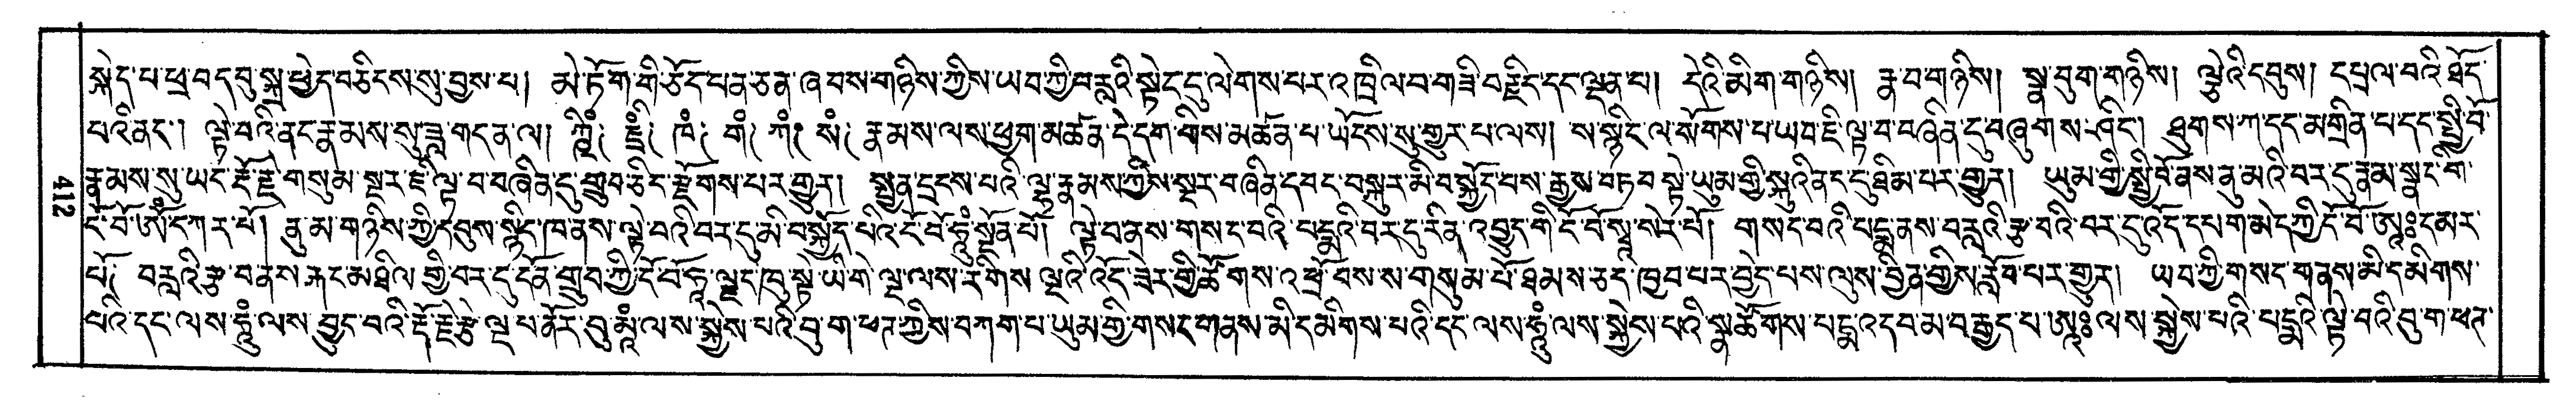སྐེད་པ་ཕྲ་བ་དབུ་སྐྲ་ཕྱེད་བཅིངས་སུ་བྱས་པ། མེ་ཏོག་གི་ཅོད་པན་ཅན་ཞབས་གཉིས་ཀྱིས་ཡབ་ཀྱི་བརླའི་སྟེང་དུ་ལེགས་པར་འཁྲིལ་བ་གཟི་བརྗིད་དང་ལྡན་པ། དེའི་མིག་གཉིས། རྣ་བ་གཉིས། སྣ་བུག་གཉིས། ལྕེའི་དབུས། དཔྲལ་བའི་ཐོད་
པའི་ནང་། ལྟེ་བའི་ནང་རྣམས་སུ་ཟླ་གདན་ལ། ཀཥིཾ༑ ཛྲིཾ༑ ཁཾ༑ གཾ༑ ཀཾ༑ སཾ༑ རྣམས་ལས་ཕྱག་མཚན་དེ་དག་གིས་མཚན་པ་ཡོངས་སུ་གྱུར་པ་ལས། ས་སྙིང་ལ་སོགས་པ་ཡབ་ཇི་ལྟ་བ་བཞིན་དུ་བཞུགས་ཤིང་། ཐུགས་ཀ་དང་མགྲིན་པ་དང་སྤྱི་བོ་
རྣམས་སུ་ཡང་རྡོ་རྗེ་གསུམ་སྔར་ཇི་ལྟ་བ་བཞིན་དུ་གྲུབ་ཅིང་རྫོགས་པར་གྱུར། སྤྱན་དྲངས་པའི་ལྷ་རྣམས་ཀྱིས་སྔར་བཞིན་དབང་བསྐུར་མི་བསྐྱོད་པས་རྒྱས་བཏབ་སྟེ་ཡུམ་གྱི་སྐུའི་ནང་དུ་ཐིམ་པར་གྱུར། ཡུམ་གྱི་སྤྱི་བོ་ནས་ནུ་མའི་བར་དུ་རྣམ་སྣང་གི་
ངོ་བོ་ཨོཾ་དཀར་པོ། ནུ་མ་གཉིས་ཀྱི་དབུས་སྙིང་ཁ་ནས་ལྟེ་བའི་བར་དུ་མི་བསྐྱོད་པའི་ངོ་བོ་ཧཱུཾ་སྔོན་པོ། ལྟེ་བ་ནས་གསང་བའི་པདམའི་བར་དུ་རིན་འབྱུང་གི་ངོ་བོ་སྭཱ་སེར་པོ། གསང་བའི་པདམ་ནས་བརླའི་རྩ་བའི་བར་དུ་འོད་དཔག་མེད་ཀྱི་ངོ་བོ་ཨཱཿ དམར་
པོ༑ བརླའི་རྩ་བ་ནས་རྐང་མཐིལ་གྱི་བར་དུ་དོན་གྲུབ་ཀྱི་ངོ་བོ་ཧཱ་ལྗང་ཁུ་སྟེ་ཡི་གེ་ལྔ་ལས་རིགས་ལྔའི་འོད་ཟེར་གྱི་ཚོགས་འཕྲོ་བས་ས་གསུམ་པོ་ཐམས་ཅད་ཁྱབ་པར་བྱེད་པས་ལུས་བྱིན་གྱིས་རློབ་པར་གྱུར། ཡབ་ཀྱི་གསང་གནས་མི་དམིགས་
པའི་ངང་ལས་ཧཱུཾ་ལས་བྱུང་བའི་རྡོ་རྗེ་རྩེ་ལྔ་པ་ནོར་བུ་མཱཾ་ལས་སྐྱེས་པའི་བུ་ག་ཕཊ་ཀྱིས་བཀག་པ་ཡུམ་གྱི་གསང་གནས་མི་དམིགས་པའི་ངང་ལས་ཧཱུཾ་ལས་སྐྱེས་པའི་སྣ་ཚོགས་པདམ་འདབ་མ་བརྒྱད་པ་ཨཱཿ ལས་སྐྱེས་པའི་པདམའི་ལྟེ་བའི་བུ་ག་ཕཊ་